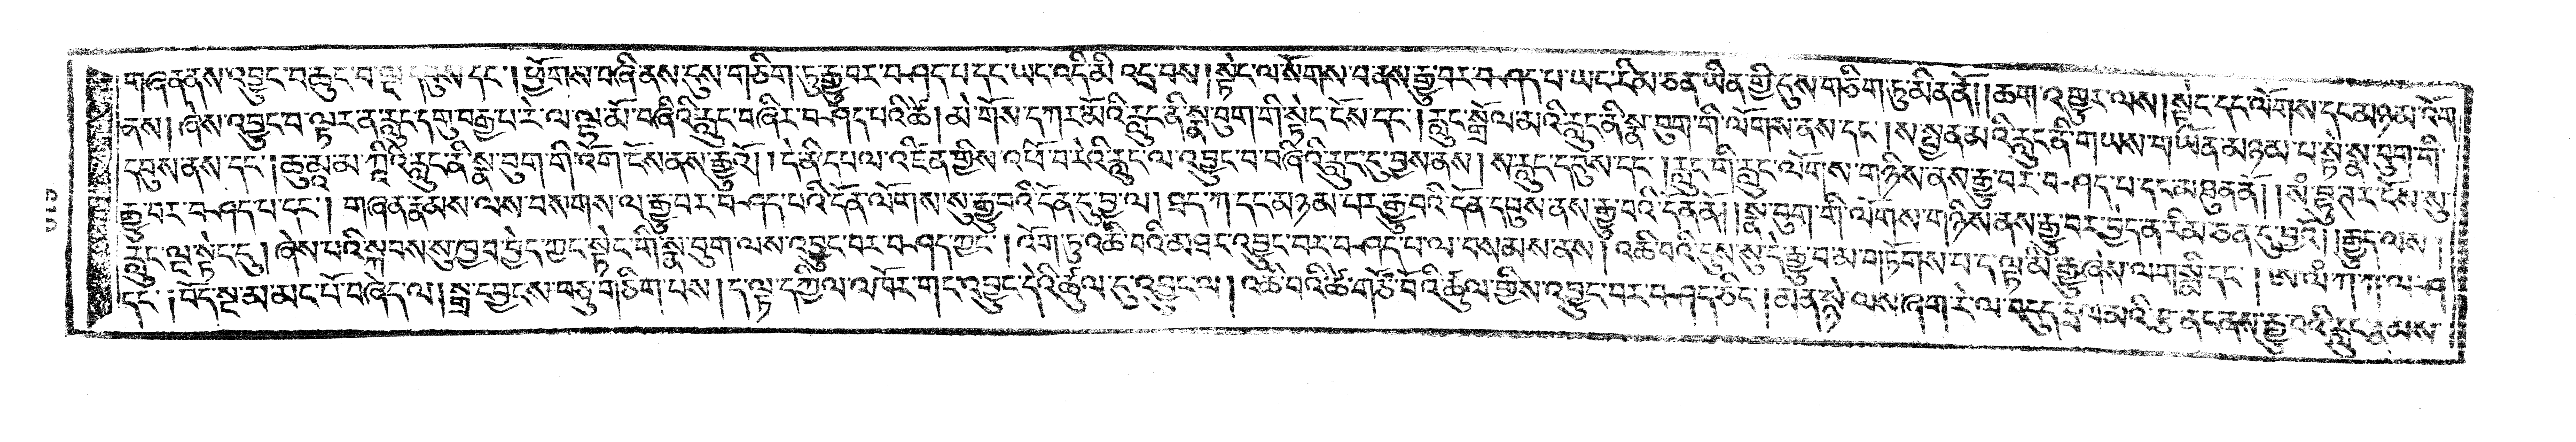གཞན་ནས་འབྱུང་བ་ཆུང་བ་ལྔ་དབུས་དང་། ཕྱོགས་བཞི་ནས་དུས་གཅིག་ཏུ་རྒྱུ་བར་བཤད་པ་དང་ཡང་འདི་མི་འདྲ་བས། སྟེང་ལ་སོགས་པ་ནས་རྒྱུ་བར་བཤད་པ་ཡང་རིམ་ཅན་ཡིན་གྱི་དུས་གཅིག་ཏུ་མིན་ནོ། །ཆག་འགྱུར་ལས། སྟེང་དང་ལོགས་དང་མཉམ་འོག་
ནས། ཞེས་འབྱུང་བ་ལྟར་ན་རླུང་དགུ་བརྒྱ་པ་རེ་ལ་ལྷ་མོ་བཞིའི་རླུང་བཞིར་བཤད་པའི་ཚེ། མེ་གོས་དཀར་མོའི་རླུང་ནི་སྣ་བུག་གི་སྟེང་ངོས་དང་། རླུང་སྒྲོལ་མའི་རླུང་ནི་སྣ་བུག་གི་ལོགས་ནས་དང་། ས་སྤྱན་མའི་རླུང་ནི་གཡས་གཡོན་མཉམ་པ་སྟེ་སྣ་བུག་གི་
དབུས་ནས་དང་།ཆུ་མཱ་མ་ཀཱིའི་རླུང་ནི་སྣ་བུག་གི་འོག་ངོས་ནས་རྒྱུའོ། །དེ་ནི་དཔལ་འཛིན་གྱིས་འཕོ་བ་རེའི་རླུང་ལ་འབྱུང་བ་བཞིའི་རླུང་དུ་བྱས་ནས། ས་རླུང་དབུས་དང་། རླུང་གི་རླུང་ལོགས་གཉིས་ནས་རྒྱུ་བར་བཤད་པ་དང་མཐུན་ནོ། །སཾ་བྷུ་ཊར་ངོས་སུ་
རྒྱུ་བར་བཤད་པ་དང་། གཞན་རྣམས་ལས་བསགས་ལ་རྒྱུ་བར་བཤད་པའི་དོན་ལོགས་སུ་རྒྱུ་བའི་དོན་དུ་བྱ་ལ། ཐད་ཀ་དང་མཉམ་པར་རྒྱུ་བའི་དོན་དབུས་ནས་རྒྱུ་བའི་དོན་ནོ། །སྣ་བུག་གི་ལོགས་གཉིས་ནས་རྒྱུ་བར་བྱེད་ན་རིམ་ཅན་དུ་བྱའོ། །རྒྱུད་ལས།
རླུང་ལྔ་སྟེང་དུ། ཞེས་པའི་སྐབས་སུ་ཁྱབ་བྱེད་ཀྱང་སྟེང་གི་སྣ་བུག་ལས་འབྱུང་བར་བཤད་ཀྱང་། འོག་ཏུ་འཆི་བའི་མཐར་འབྱུང་བར་བཤད་པ་ལ་བསམས་ནས། འཆི་བའི་དུས་སུ་དེ་རྒྱུ་བ་མ་གཏོགས་པ་ད་ལྟ་མི་རྒྱུ་ཞེས་ལག་སྨི་དང་། ཨ་ལཾ་ཀ་ཀ་ལ་ཤ་
དང་། བོད་སྔ་མ་མང་པོ་བཞེད་ལ། སྒྲ་དབྱངས་བཅུ་གཅིག་པས། ད་ལྟར་དཀྱིལ་འཁོར་གང་འབྱུང་དེའི་ཚུལ་དུ་འབྱུང་ལ། འཆི་བའི་ཚེ་གཙོ་བོའི་ཚུལ་གྱིས་འབྱུང་བར་བཤད་ཅིང་། མན་སྙེ་ལས་ཞག་རེ་ལ་བདུད་ཕྲལ་?་མའི་རྩ་ནང་ནས་རྒྱུ་བའི་རླུང་རྣམས་